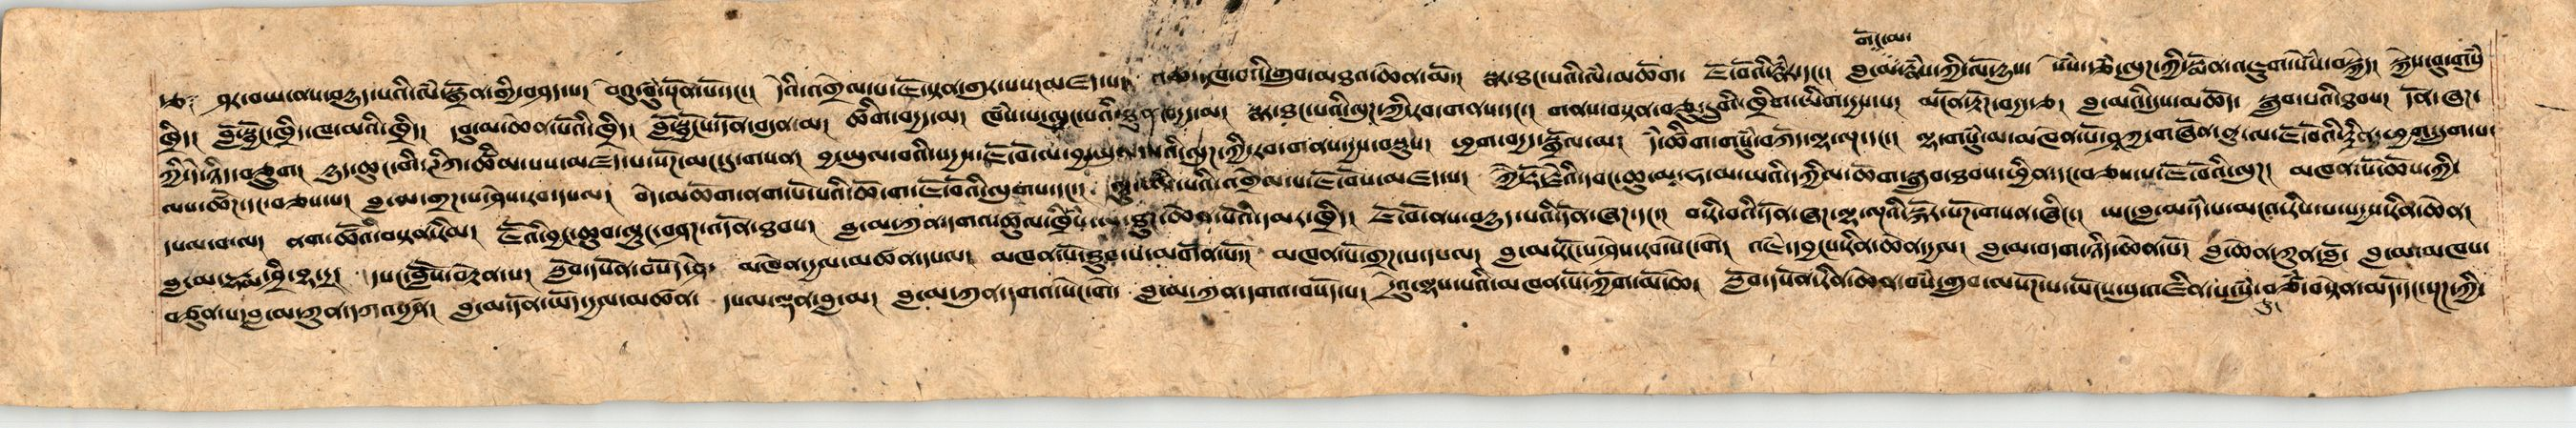རྩ༑ ཤར་བ་པ་ནས་བདྱུད་པའི་ལཾ་སྒྲོན་གྱི་བཤད་པ། བེའུ་བུཾ་སྔོན་པོ་དང་། དེའི་འགྲེལ་པ་ཇོ་སྟན་གུར་པས།མཛད་པ། འཆད་ཁ་བའི་གྲུབ་མཐའ་ཆེན་མོ། སྣར་ཐང་པའི་ལཾ་མཆོག ཇོ་བོའི་རྣཾར་དང་། བླ་མ་རྣཾས་ཀྱི་ལོ་རྒྱུས་ སེཾས་ཙཾ་ལུཌ་ཀྱི་སྨོན་འཇུག་སེཾས་བསྐྱེད། སྐྱེས་བུ་གསུཾ་
ཁྲིད། བློ་སྦྱོང་ཁྲིད་ཁ་མའི་ཁྲིད། དབུ་མ་ཆེན་པོའི་ཁྲིད། བློ་སྦྱོང་དོན་བདུན་མ། ཚིག་བདྱད་མ། ཁཾས་པ་ལུང་པའི་ཐུན་བདྱད་མ། སྣར་ཐང་པའི་ལུཌ་ཀྱི་རབ་གནས་དང་། གནས་བསྟན་བཅུ་དྲུགི་ཁྲིག་ཡིག་དྱས་པ། མངོན་རྟོཌ་བདྱ་རྩ། བླ་མའི་དུས་མཆོད་ སྒྲུབ་པའི་ཐབས། དོན་ཞཌ་
ཀྱི་དེ་ཉིད་བཅྲུག། དྱུད་ཆུང་གི་ཊིཀ་ཚིམ་པས་མཛད་པ་སོཌ་མང་དུ་གསན། བྱ་ཡུལ་བའི་སདྱས་ཇོ་བོ་ལ་བྱ་ཡུལ་བའི་ལུཌ་ཀྱི་རབ་གནས་དྱས་བསྡུས། ཕྱག་བདྱད་སྒྲོལ་མ། དཾ་ཚིག་གསུཾ་བཀོད་ལྷ་ལྔ་དང་། ལྷ་གསུཾ་མ་མཁན་པོ་ཤཱཀྱ་གཞོན་ནུ་ལ་ཇོ་བོའི་རྟྲིན་ཕྱག་དྲུག་པ་
ལས་ཚོཌ་དང་བཅས་པ། བླ་མ་གྲཌ་པ་ཤེས་རབ་ལ། བདེ་མཆོག་ནག་པོ་པའི་ཆོ་ག་ཇོ་བོའི་ལུགས་དང་། ལཱུ་ཨི་པའི་འགྲེལ་པ་ཇོ་བོས་མཛད་པ། ཀྱཻ་རྡོ་རྗེའི་དབང་ཆུ་མ་ཧཱ་མ་ཡའི་དཀྱིལ་ཆོག་སྒྲུབ་ཐབས་ཕྱིན་དང་བཅས་པ་ཇོ་བོའི་ལུཌ། མཁན་པོ་ཆོས་ཀྱི་
དཔལ་བ་ལ། ནག་ཚོའི་བསྟན་རིམ། ཇོ་བོའི་བྱང་ཆུབ་ལྟུང་བཤཌ་འདོན་ཐབས། བླ་མ་ཀུན་དགའ་ཚུལ་ཁྲིཾས་ལ་ཐུཌ་ཆེན་པོའི་དམར་ཁྲིད། ཇོ་བོ་ནས་བདྱུད་པའི་དོན་ཞཌ་དང་། བ་རི་བའི་དོན་ཞཌ་ལྷ་ལྔའི་སྐོར་སོཌ་གསན་ཞིང་། ཡང་བླ་མ་དཾ་པ་མངའ་རིས་པ་སདྱས་རིན་ཆེན།
བླ་མ་དྷརྨ་ཤྲཱི་བྷ་དྲ། དཔང་བླཽས་བརྟེན་པ། སློབ་དཔོན་བསོད་ཤེ་ མཁེན་ཆེན་དྱལ་མཚན་དཔལ། མཁན་པོ་ཐུབ་པ་མགོན་པོ་། མཁན་པོ་གྲཌ་པ་དཔལ། བླ་མ་རོང་པ་ཤེས་རབ་སེང་གེ། འཇཾ་དབྱངས་རིན་ཆེན་དྱལ། བླ་མ་བདག་ཉིད་ཆེན་པོ། བླ་ཆེན་ཀུན་བློ། བླ་མ་མཁས་
བཙུན་པ་བླ་མ་ཀུན་དགའ་དྱཚན། བླ་མ་དོན་ཡོད་དྱལ་མཚན། དཔལ་ལྡན་བླ་མ། བླ་མ་ཀུན་དགའ་སེང་གེ། བླ་མ་ཀུན་དགའ་བསོད་པ། དྲེའུ་ལྷས་པའི་མཁན་པོ་ཀྱོག་མོ་ཆེ། སློབ་དཔོན་རིན་ཆེན་བསཾ་གྲུབ་ལསོཌ་པ་ཡོངས་སུ་འཛིན་པ་སུཾ་ཅུ་བཙཾ་བསྟེན་མདོ་དང་སྔཌ་ཀྱི་